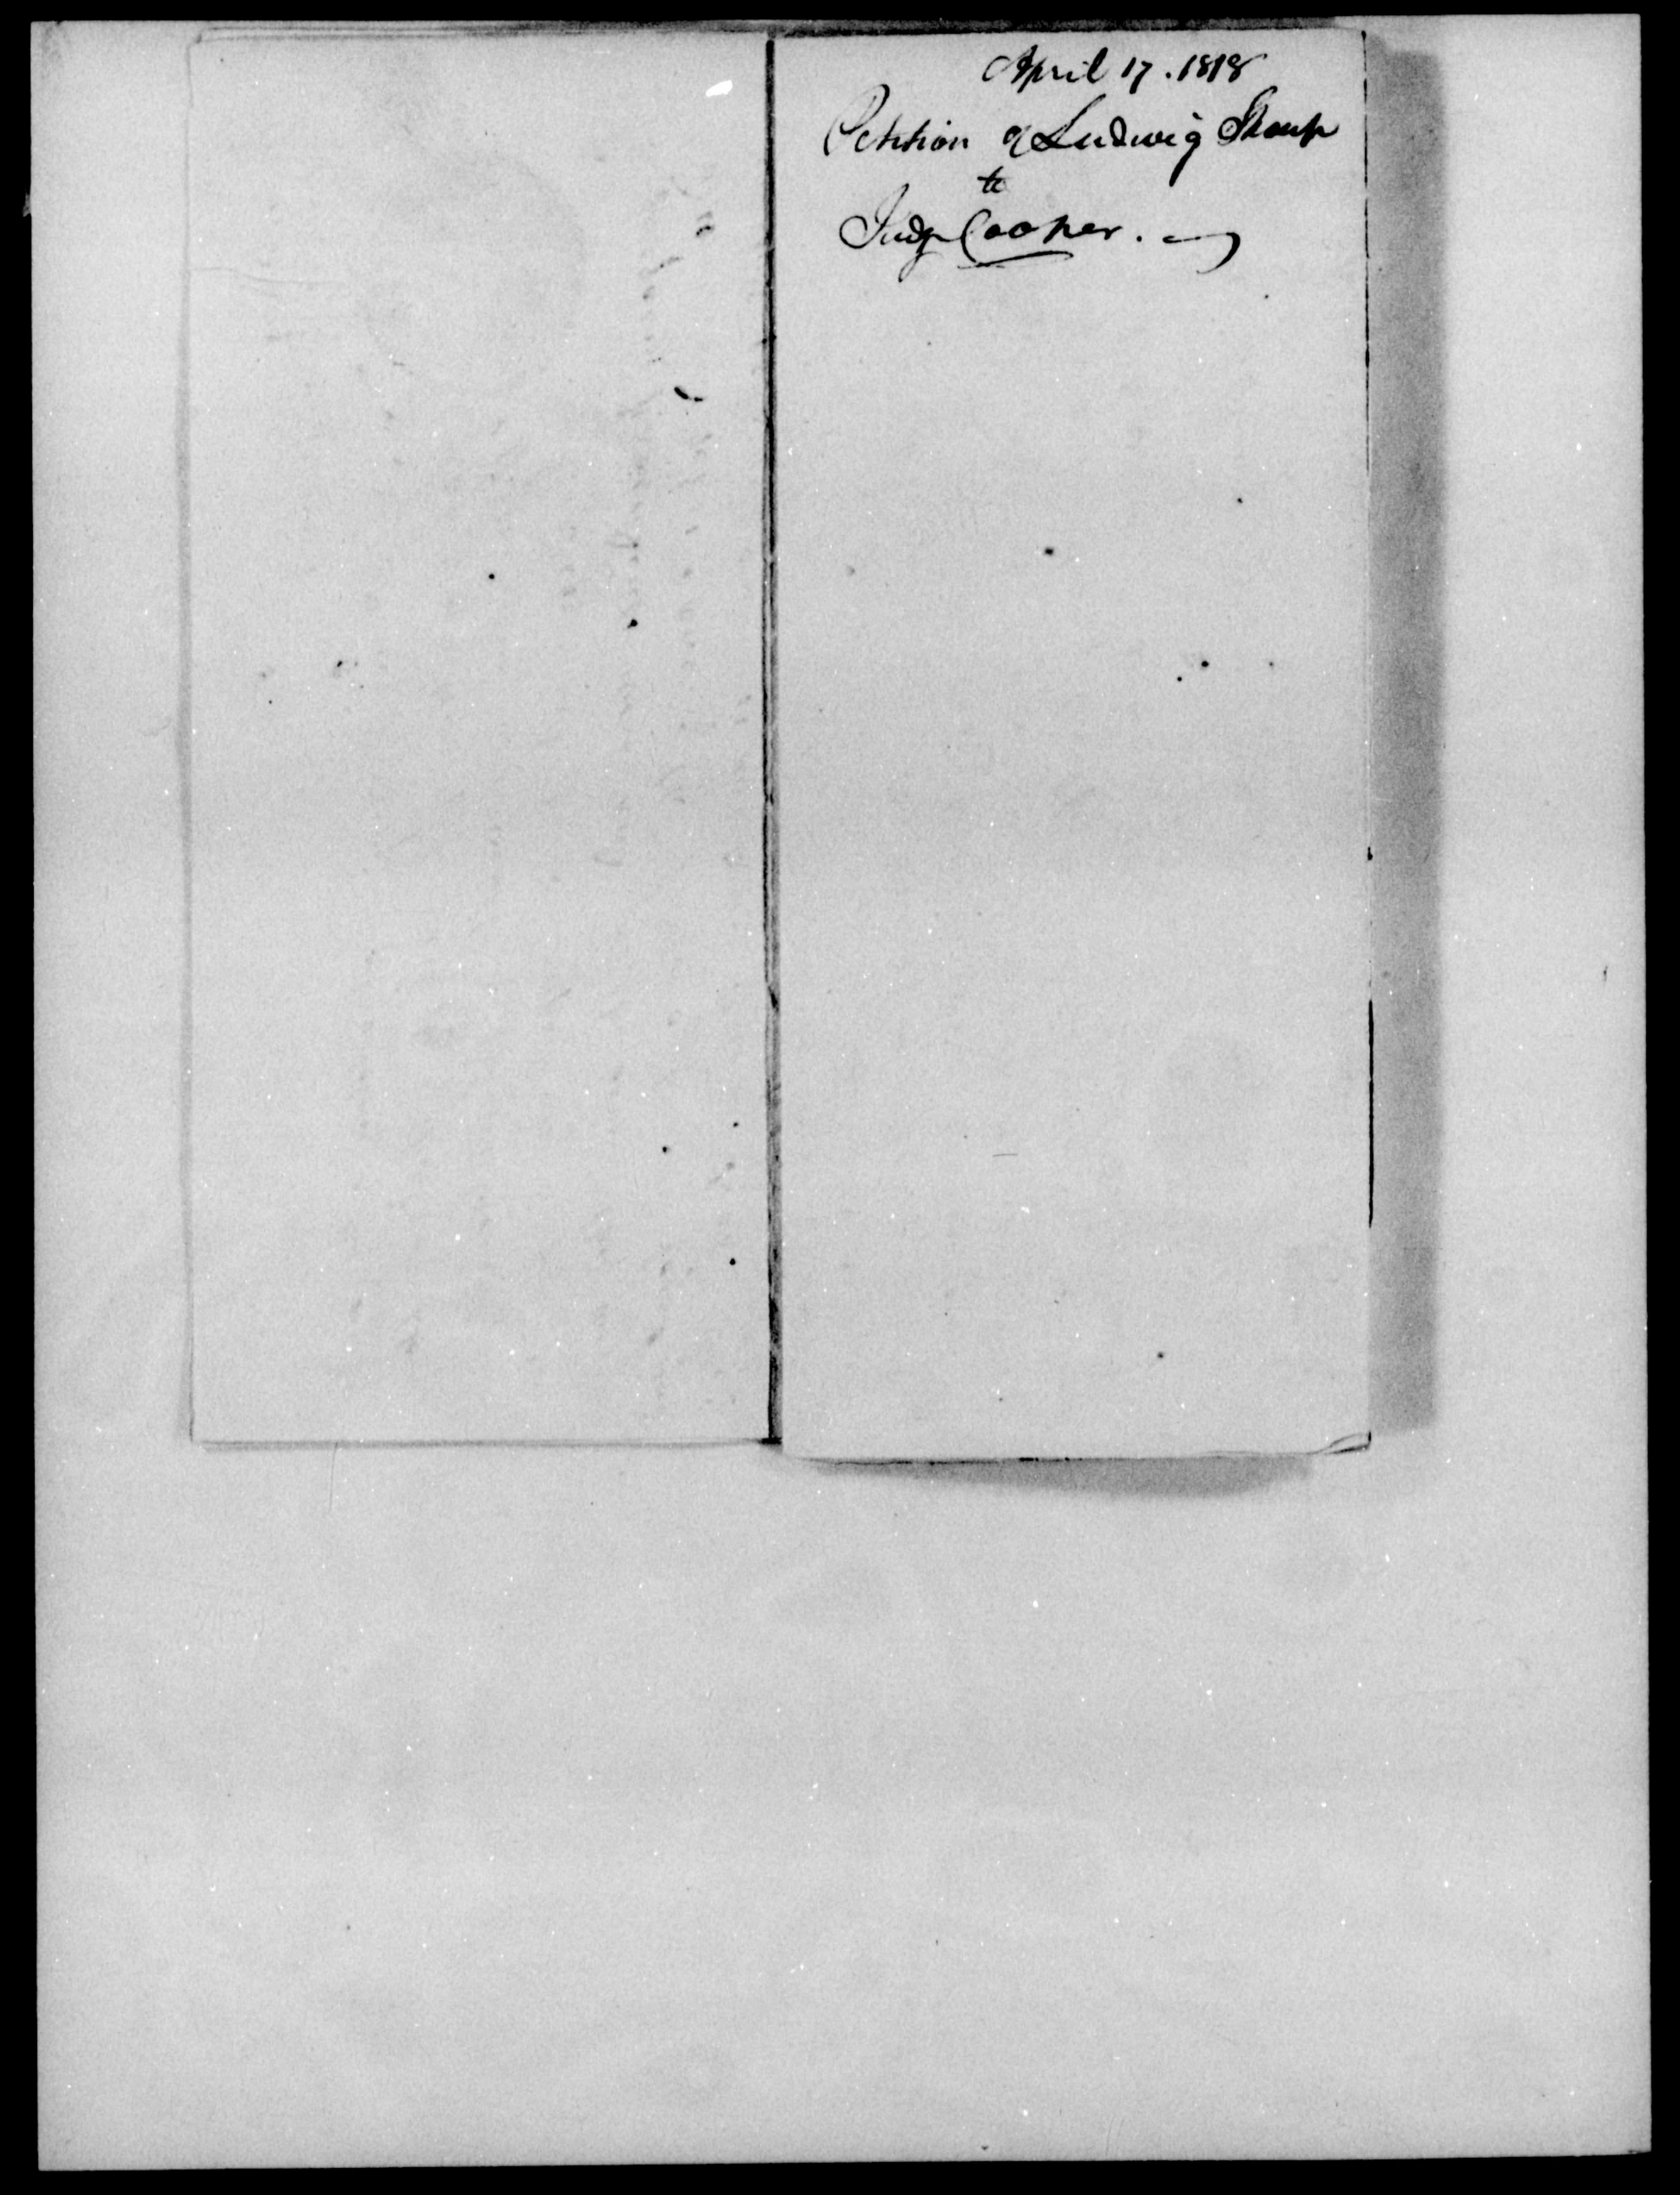April 17. 1818
Petition of Ludwig Shoup
to
Judge Cooper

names: Ludwig Shoup; [BLANK] Cooper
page: 16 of 19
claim: survivor's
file: S. 40410, for Ludwig Shoup, Pennsylvania